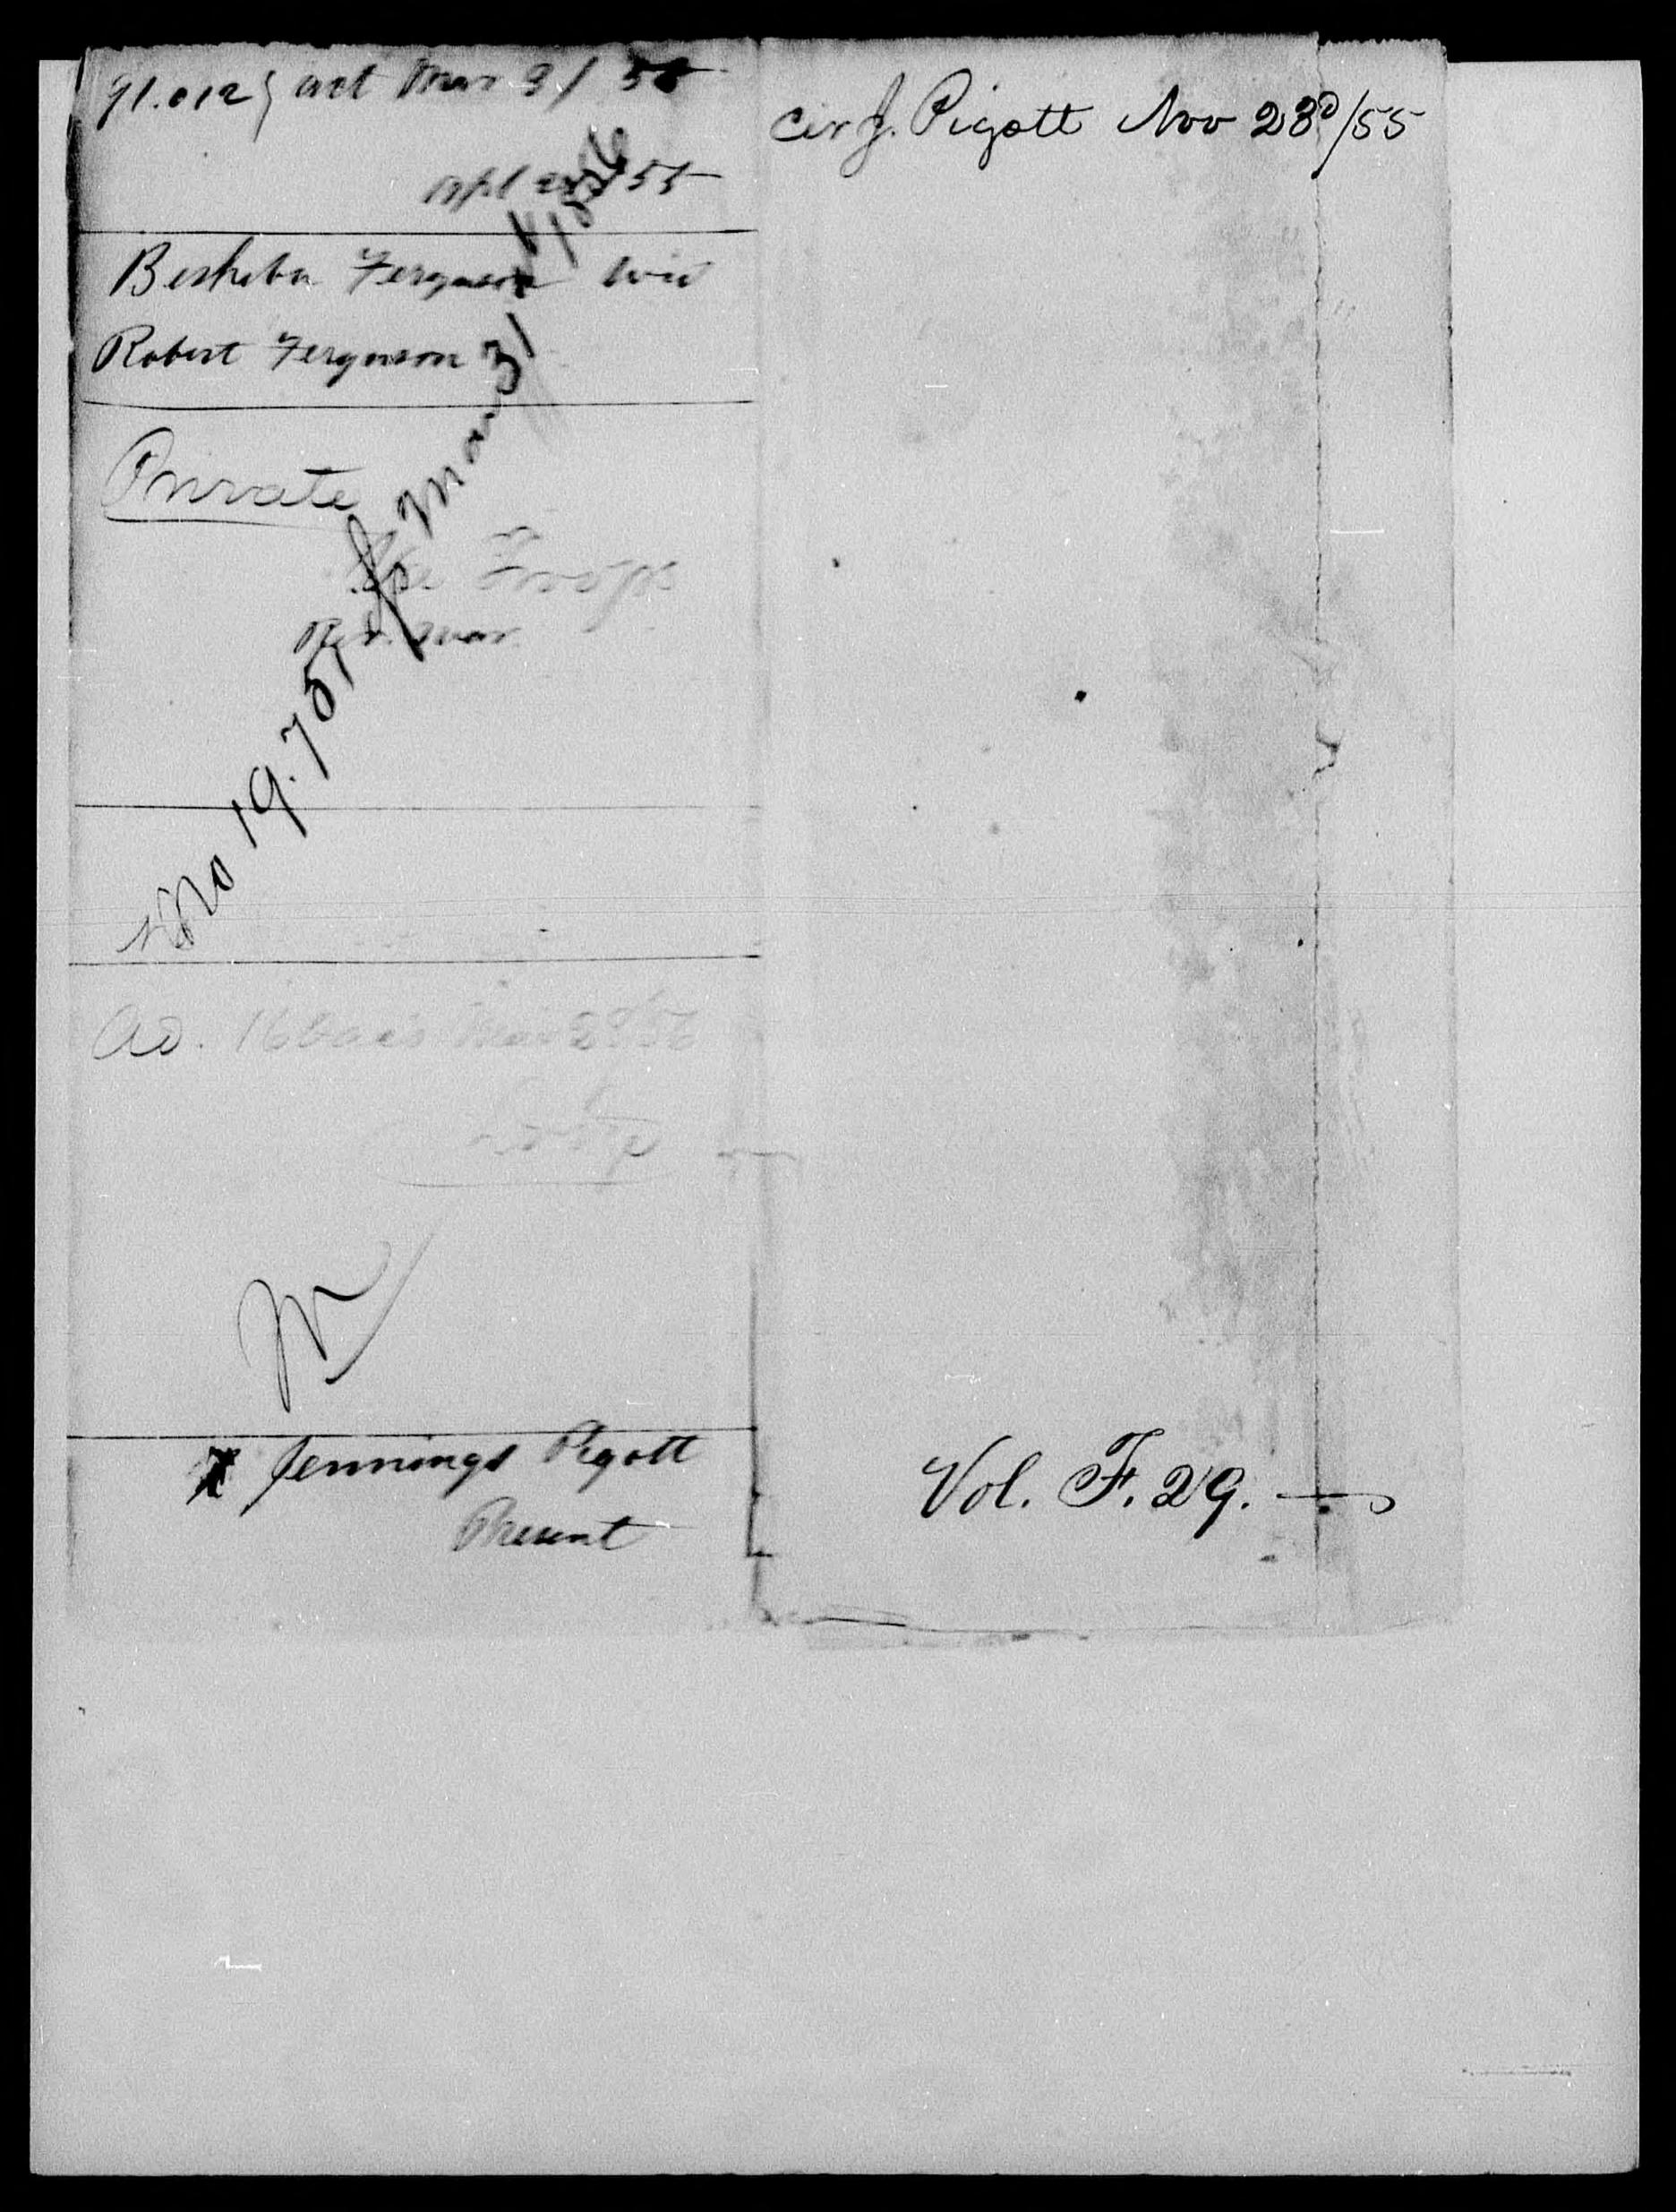91.012 act Mar 9 / 58
cir J. Pigott Nov. 23d / 55
Besheba Ferguson wid Robert Fersuson

Jennings Pigott
Present
Vol. F. 29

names: Robert Ferguson, Besheba Ferguson, Jennings Pigott, J Pigott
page: 8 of 81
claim: widow's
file: W. 7262, Robert Ferguson, Va.